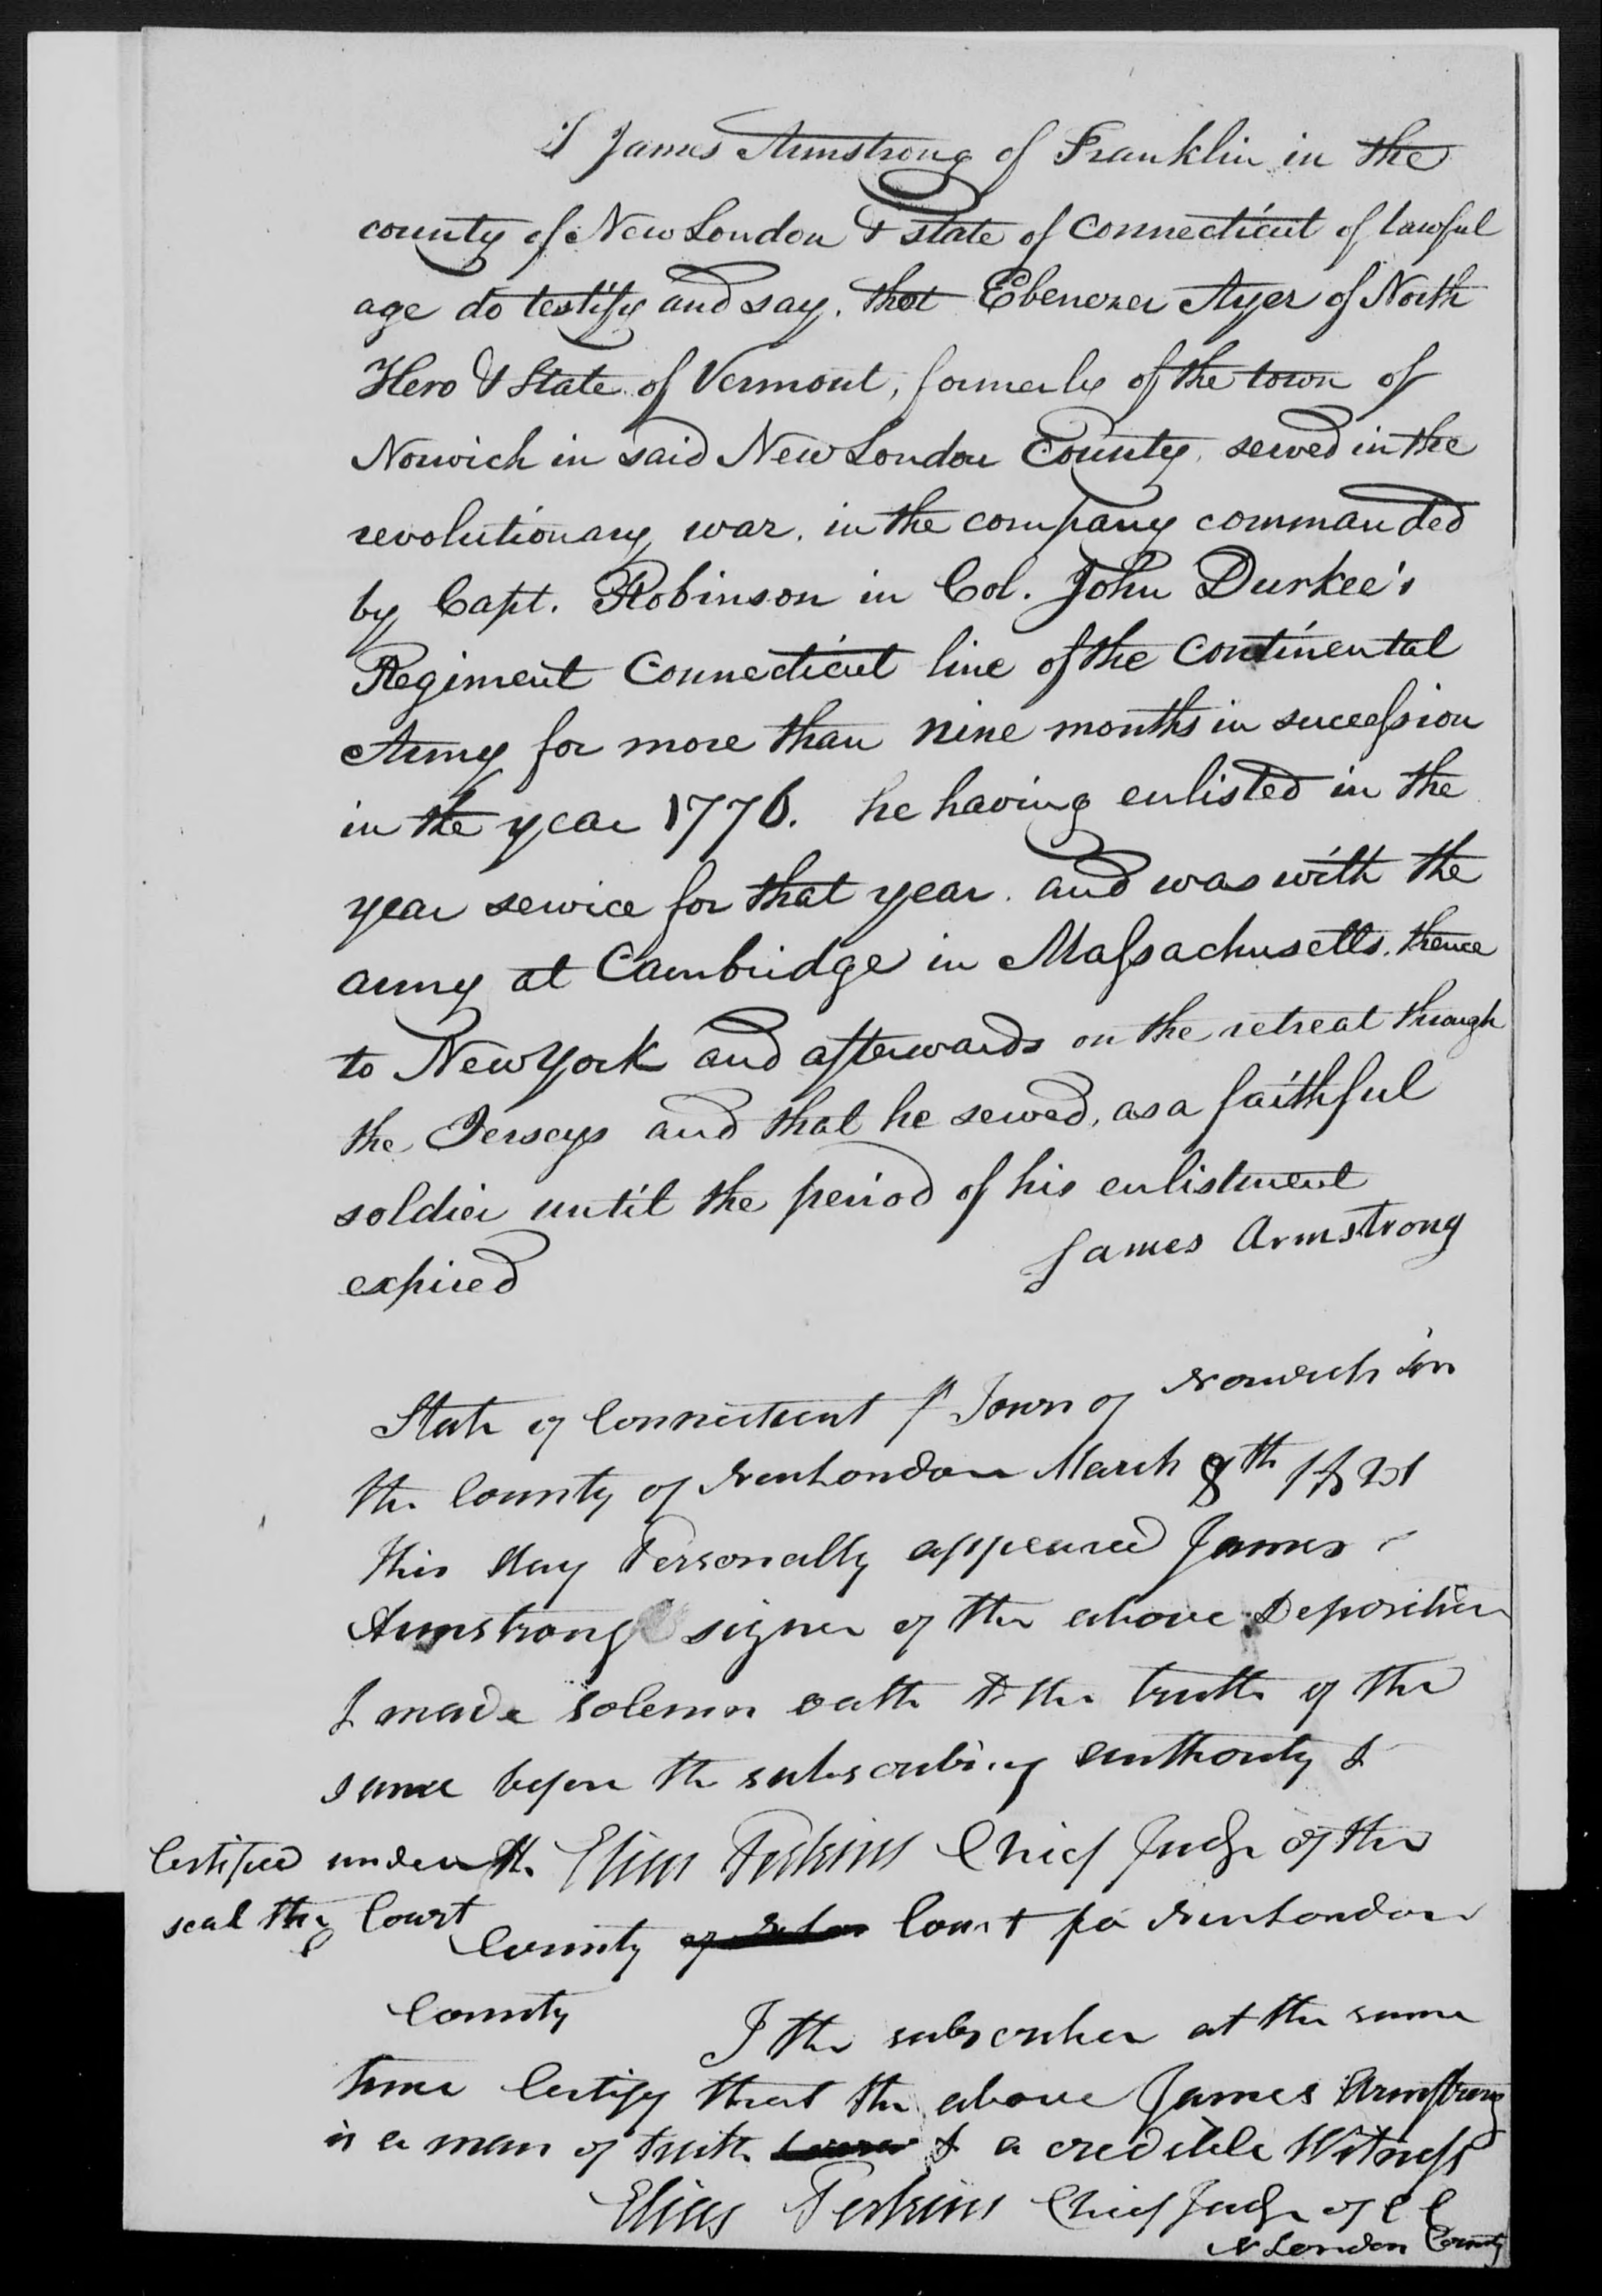I James Armstrong of Franklin in the county of New London & state of Connecticut of lawful age do testify and say, that Ebenezer Ayer of North Hero & State of Vermont, formerly of the town of Norwich in said New London County, served in the revolutionary war, in the company commanded by Capt. Robinson in Col. John Durkee's Regiment Connecticut line of the Continental Army for more than nine months in succession in the year 1776, he having enlisted in the year service for that year,  and was with the army at Cambridge in Massachusetts, thence to New York and afterwards on the retreat through the Jerseys and that he served as a faithful soldier until the period of his enlistment expired
James Armstrong
State of Connecticut/Town of Norwich in the County of New London March 8th 1821
This day personally appeared James Armstrong signer of the above deposition & made solemn oath to the truth of the same before the subscribing authority & Certified under seal the Court
Elias Perkins Chief Judge of the County Court for New London County
I the subscriber at the same time Certify that the above James Armstrong is a man of truth & a credible witness
Elias Perkins Chief Judge of CC N London County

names: James Armstrong, James Armstrong, Ebenezer Ayer, James Armstrong, Elias Perkins, Robinson, James Armstrong, John Durkee, Elias Perkins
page: 30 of 50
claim: widow's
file: W. 8559, Ebenezer Ayer, Continental (Conn)